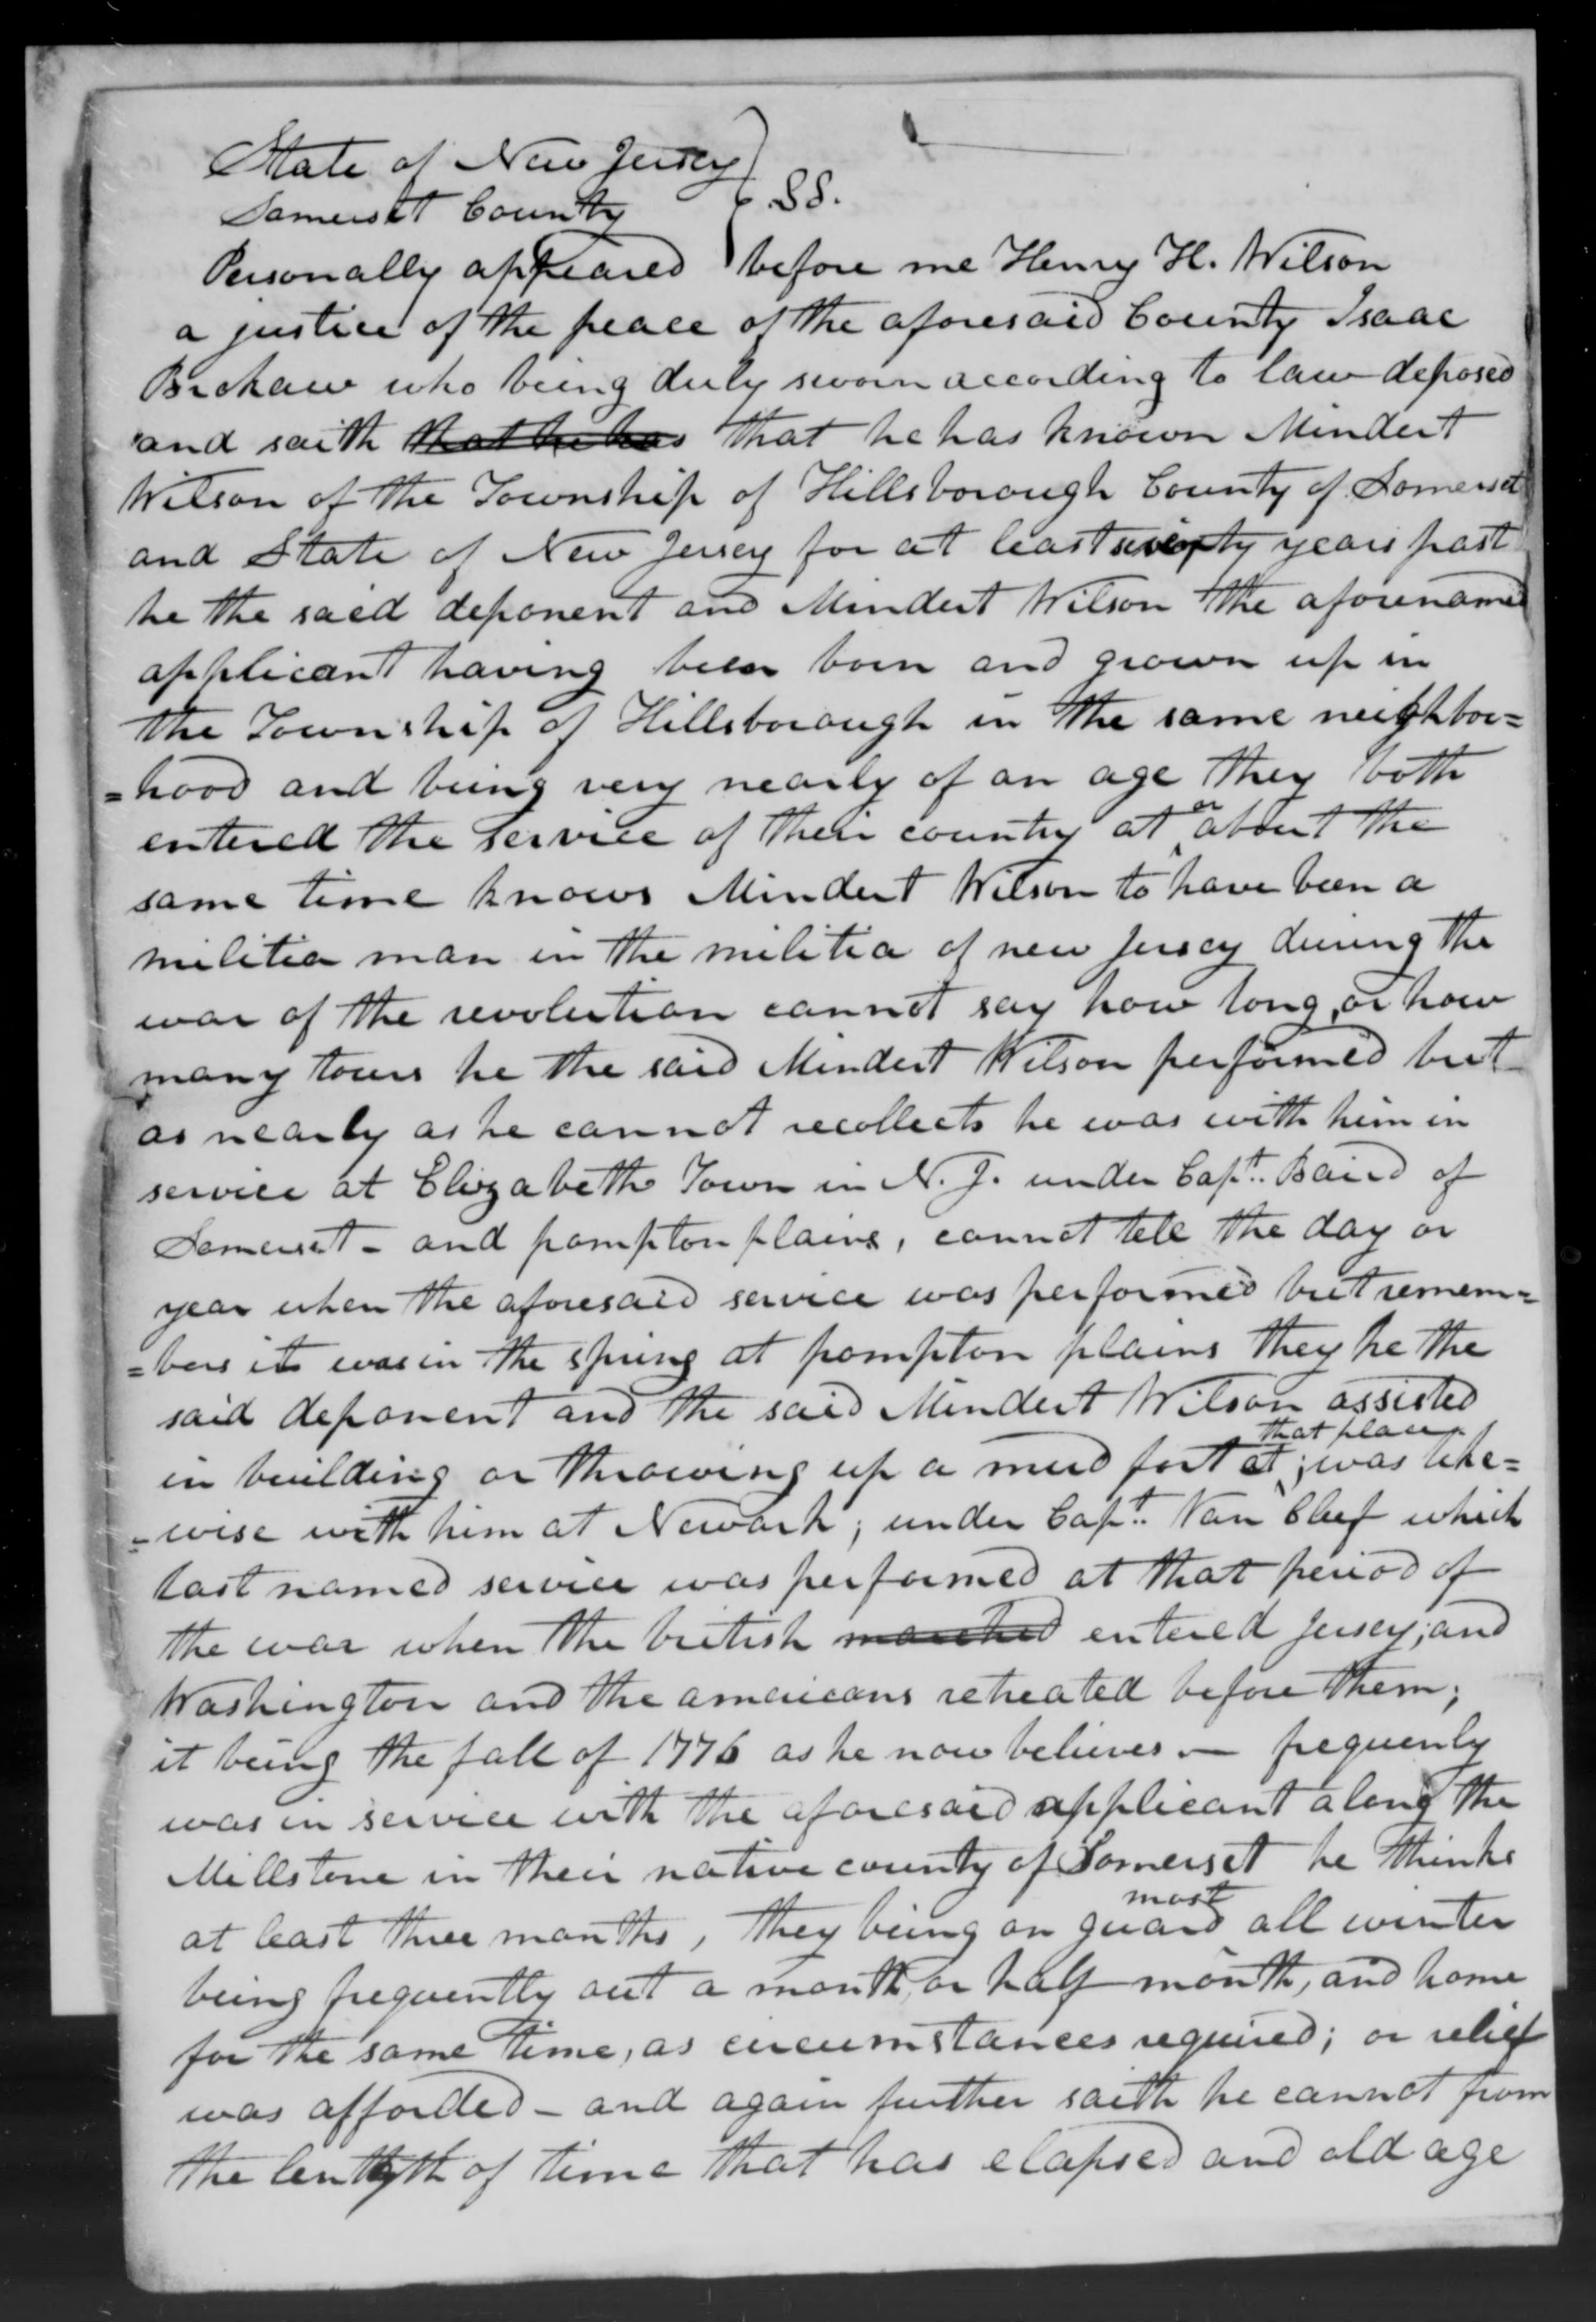State of New Jersey
Somerset County } ss.

Personally appeared before me Henry H. Wilson a justice of the peace of the aforesaid County Isaac Brokaw who being duly sworn according to law deposed and saith that he has known Mindert Wilson of the Township of Hillsborough County of Somerset and State of New Jersey for at least sixty [?] years past he the said deponent and Mindert Wilson the aforenamed applicant having been born and grown up in the Township of Hillsborough in the same neighborhood and being very nearly of an age they both entered the service of their country at ^or about the same time knows Mindert Wilson to have been a militia man in the militia of New Jersey during the war of the revolution cannot say how long, or how many tours he the said Mindert Wilson performed but as nearly as he cannot recollects he was with him in service at Elizabeth Town in N.J. under Cap't Baird of Somerset, and Pompton Plains, cannot tell the day or year when the aforesaid service was performed but remembers it was in the spring at Pompton Plains they he the said deponent and the said Mindert Wilson assisted in building or throwing up a mud fort at ^that place; was likewise with him at Newark; under Cap't Van Cleef which last named service was performed at that period of the war when the british [lined out: marched] entered Jersey, and Washington and the Americans retreated before them; it being the fall of 1776 as he now believes. frequently was in service with the aforesaid applicant along the Millstone in their native county of Somerset he thinks at least three months, they being on guard ^most all winter being frequently out a month or half month, and home for the same time, as circumstances required; or relief was afforded -- and again further saith he cannot from the length of time that has elapsed and old age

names: Mindert Wilson, Van Cleef, Isaac Brokaw, Henry H Wilson, Baird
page: 34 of 40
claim: survivor's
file: S. 3564, Mindart Wilson, New Jersey